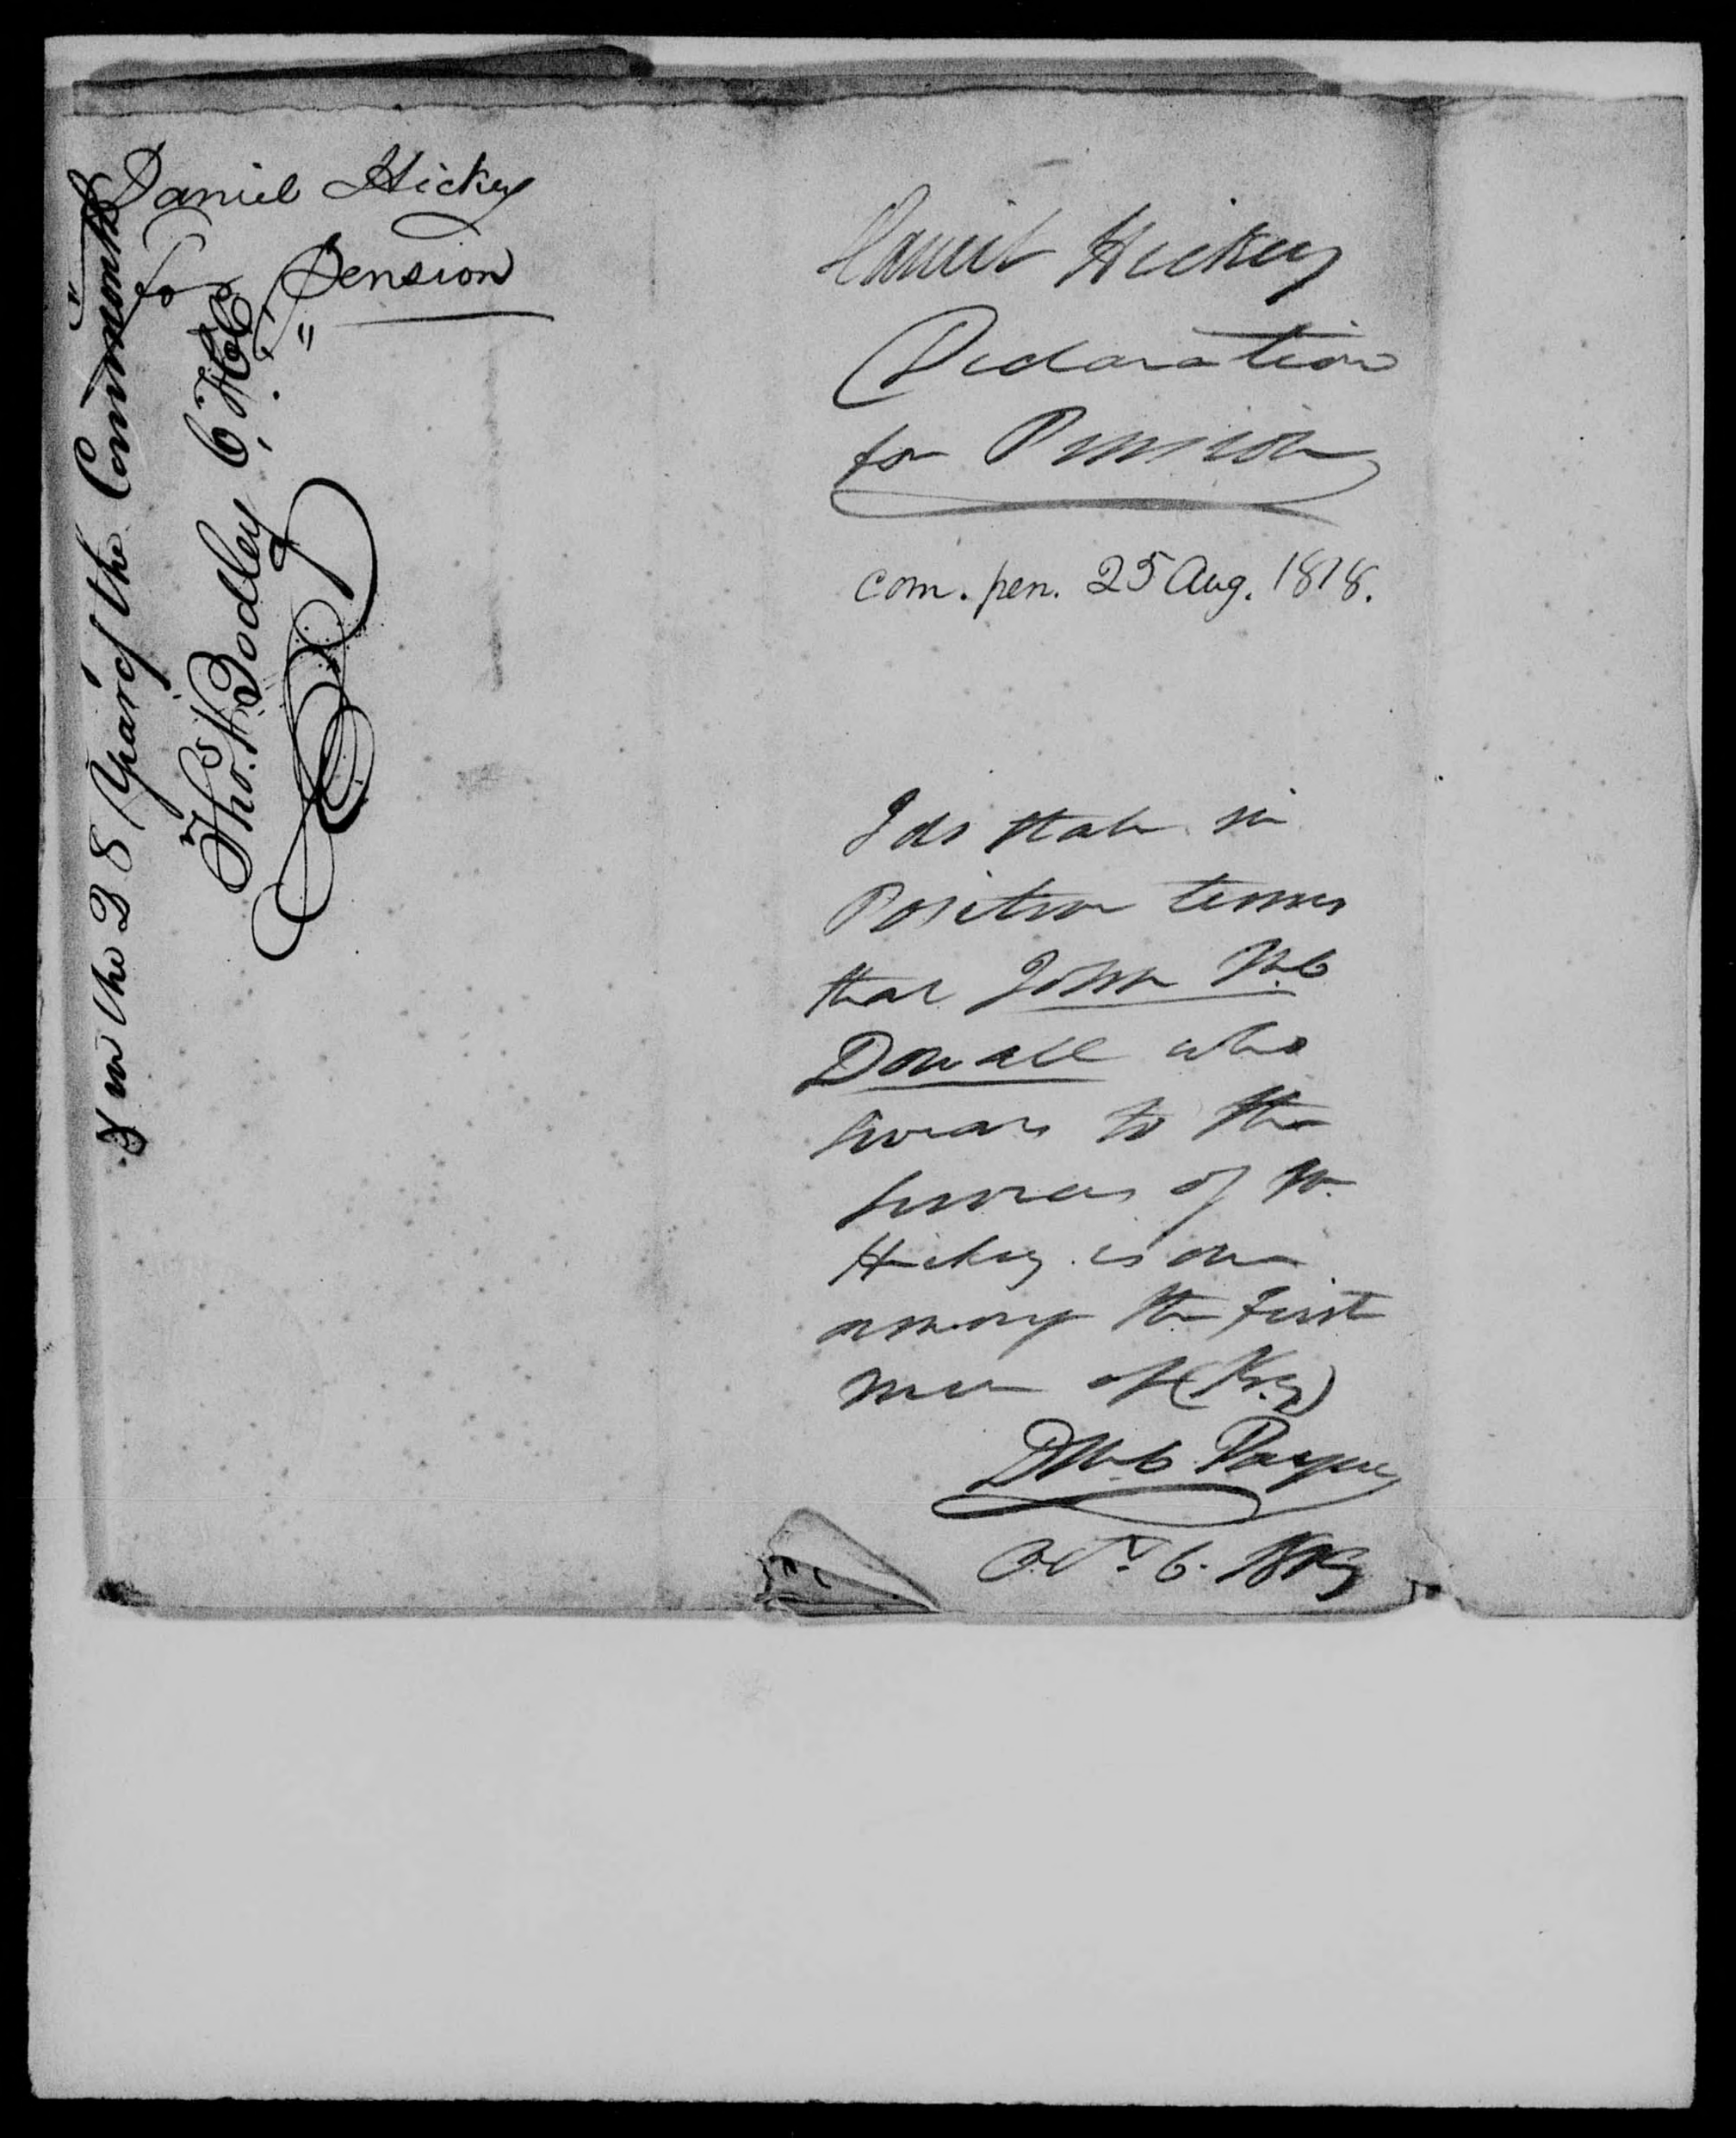Daniel Hickey
Declaration
for Pension
Com. pen. 25 Aug. 1818.
I do State in
Positive terms
that John McDowall who
swears to the
services of Mr.
Hickey is in
among the first
men of (Ky)
DMC Payne
Oct 6. 1819
In the 28 year of the Commonth
Thos Bodley C.F.C.C.
Daniel Hickey pension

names: Daniel Hickey, Thos Bodley, D M C Payne, John Mc Dowall, Hickey, Daniel Hickey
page: 48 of 84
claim: widow's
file: W. 7744, Daniel Hickey, Penn.